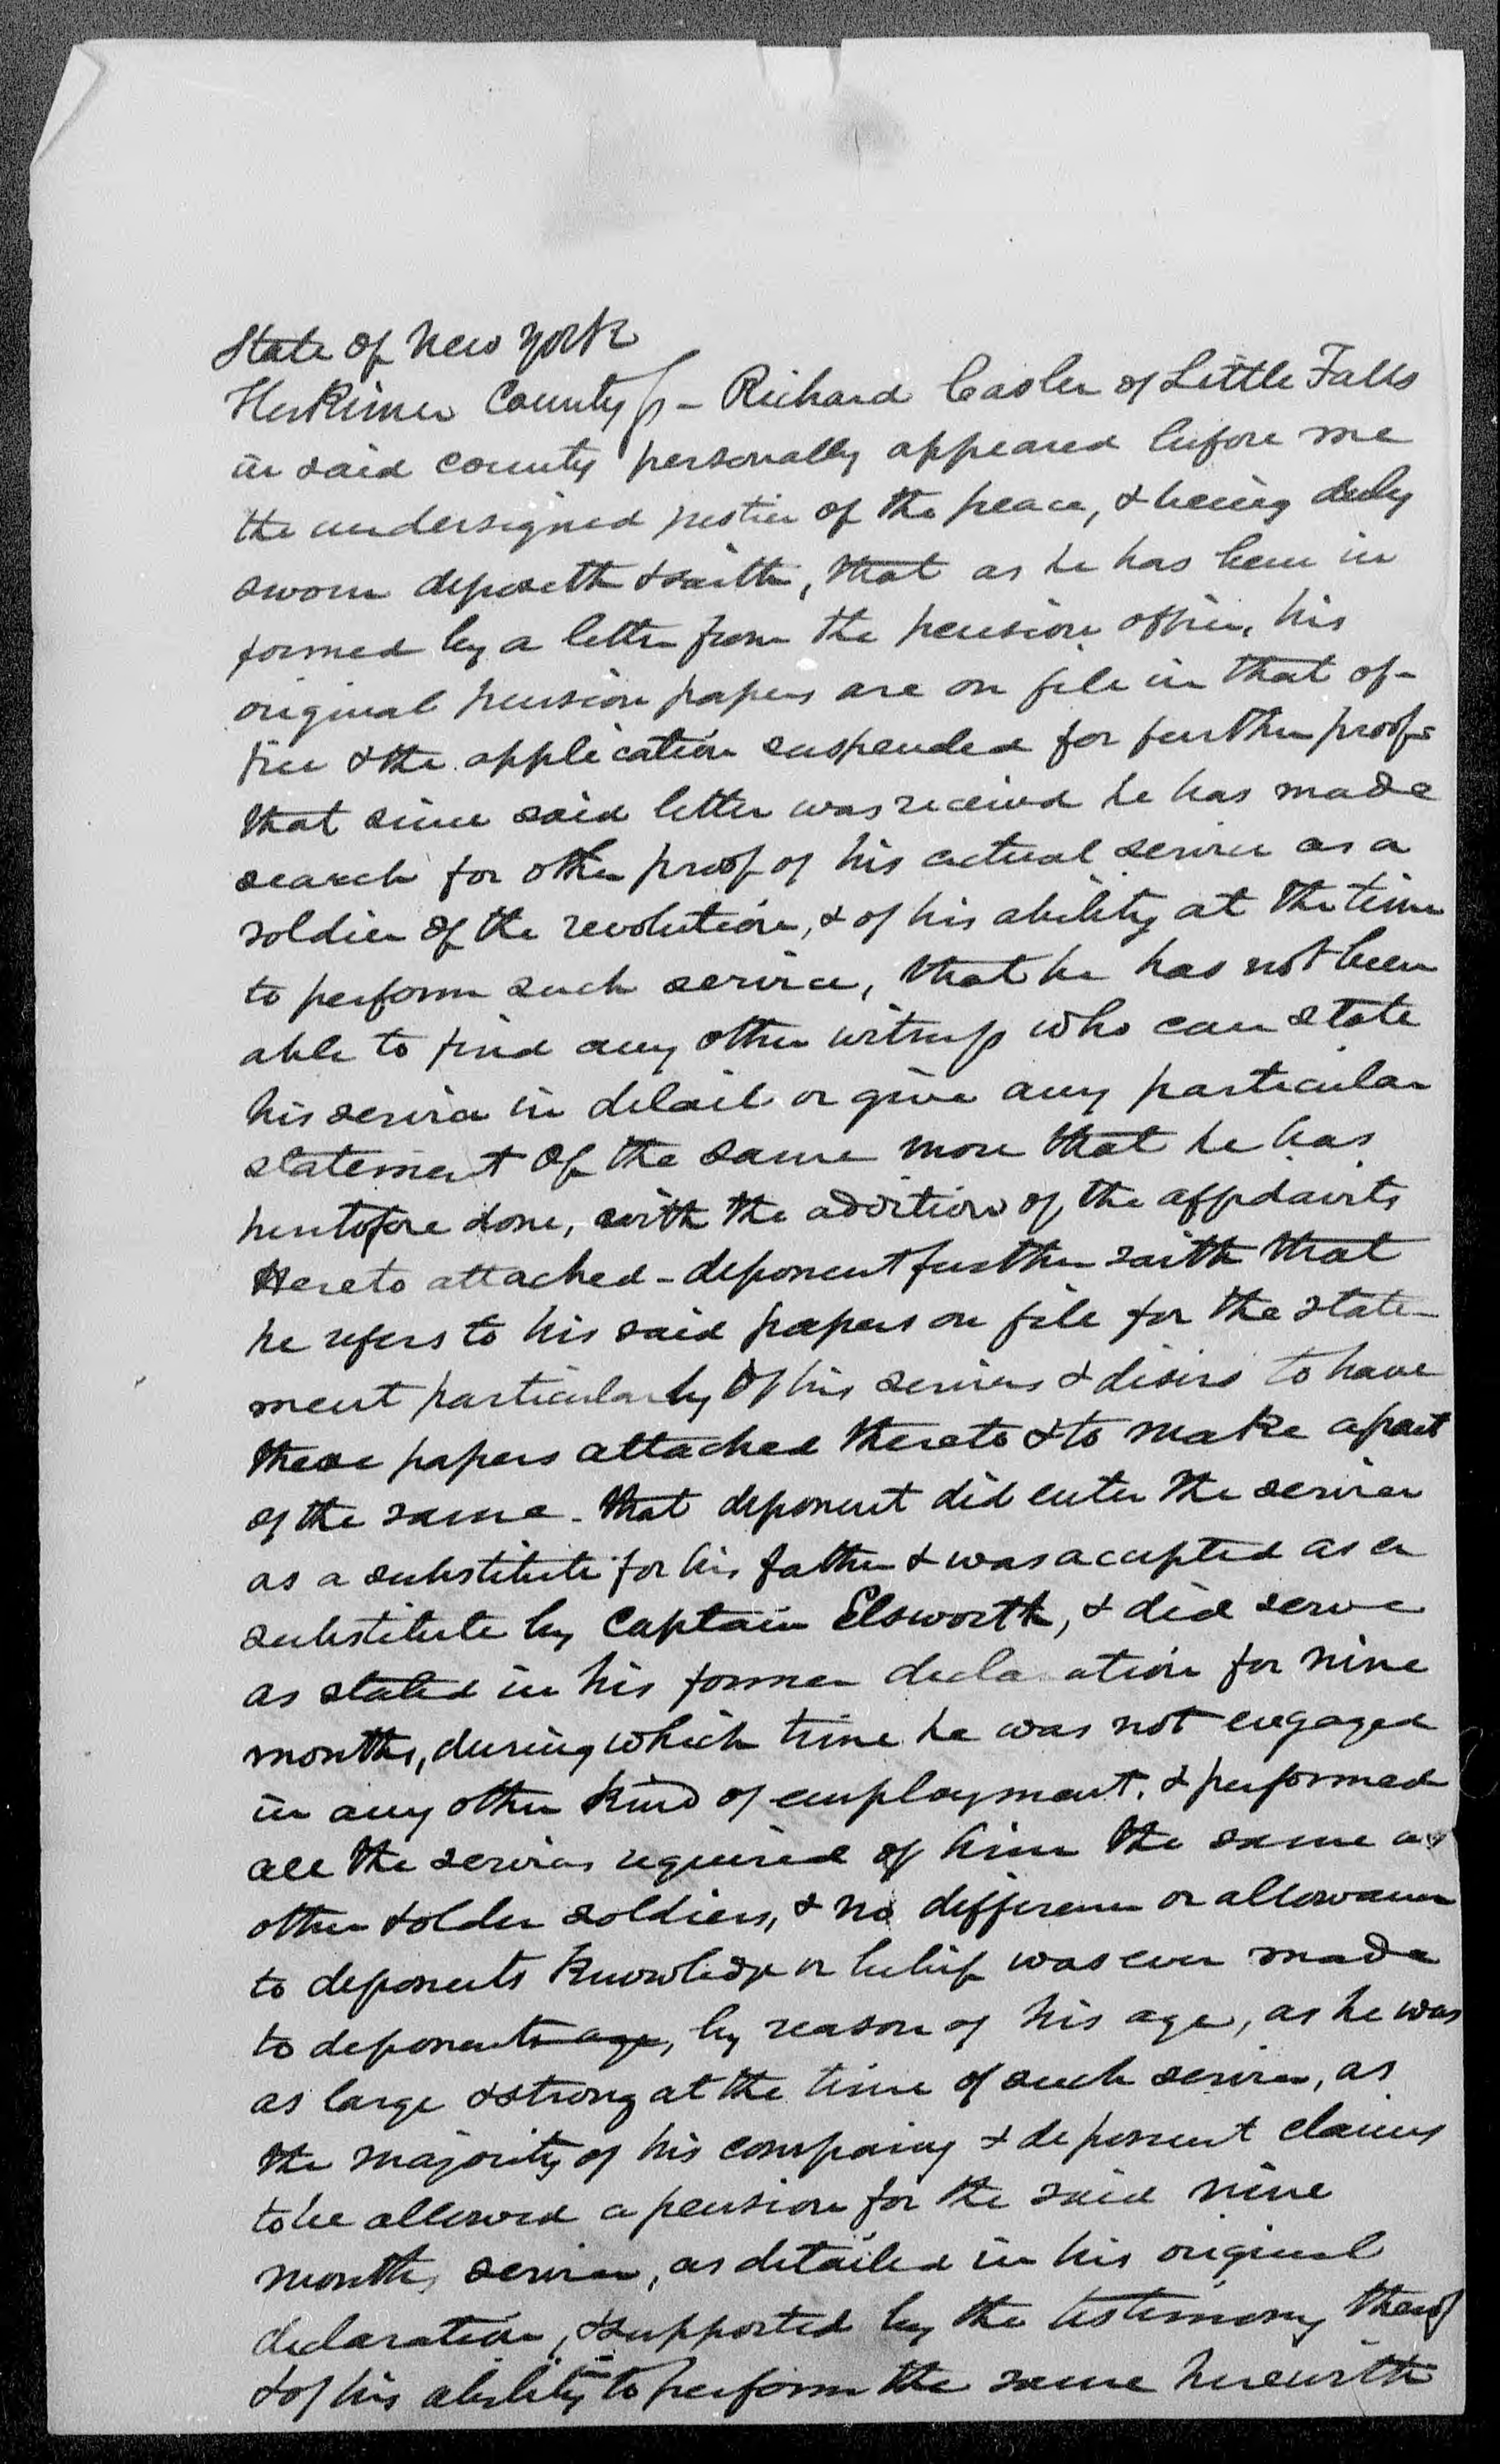State of New York 
Herkimer County ss - Richard Casler of Little Falls in said county personally appeared before me the undersigned Justice of the peace, & being duly sworn deposeth & saith, that as he has been informed by a letter from the pension office, his original pension papers are on file in that office & the application suspended for further proofs that since said letter was received he has made search for other proof of his actual service as a soldier of the revolution & of his ability at the time to perform such service, that he has not been able to find any other witness who can state his service in detail or give any particular statement of the same more that he has heretofore done, with the addition of the affidavits hereto attached - deponent further saith that he refers to his said papers on file for the statement particularly of his services & desires to have these papers attached thereto & to make apart of the same - that deponent did enter the service as a substitute for his father & was accepted as a substitute by Captain Elsworth, & did serve as stated in his former declaration for nine months, during which time he was not engaged in any other kind of employment, & performed all the services required of him the same as other & older soldiers, & no difference or allowance to deponents knowledge or belief was ever made to deponents age, by reason of his age, as he was as large & strong at the time of such service, as the majority of his company & deponent claims to be allowed a pension for the said nine months service, as detailed in his original declaration, & supported by the testimony thereof & of his ability to perform the same herewith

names: Elsworth, Richard Casler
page: 36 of 66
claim: widow's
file: W. 6637, Richard Caslar, New York